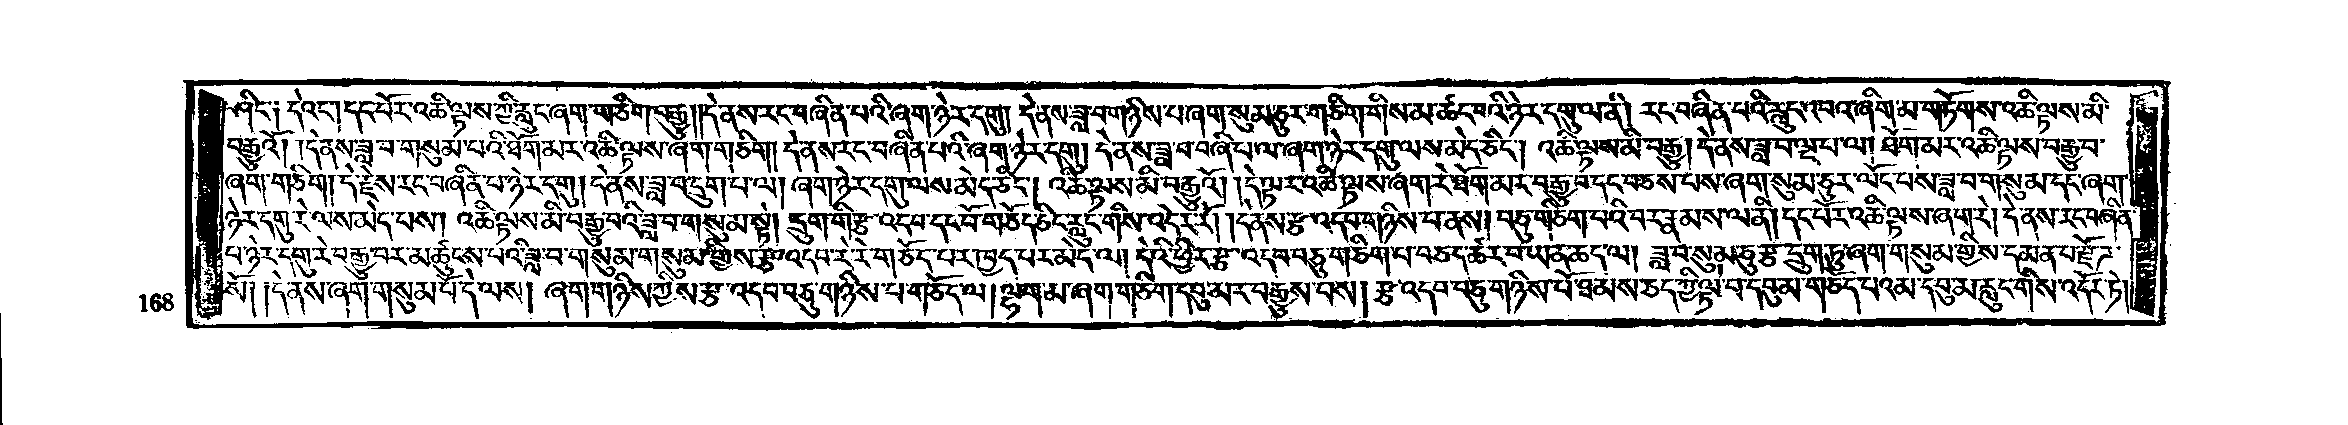ཤིང་། དེའང་། དང་པོར་འཆི་ལྟས་ཀྱི་རླུང་ཞག་གཅིག་བརྒྱུ། །དེ་ནས་རང་བཞིན་པའི་ཞག་ཉེར་དགུ། དེ་ནས་ཟླ་བ་གཉིས་པ་ཞག་སུམ་ཅུར་གཅིག་གིས་མ་ཚང་བའི་ཉེར་དགུ་ལ་ནི། རང་བཞིན་པའི་རླུང་འབའ་ཞིག་མ་གཏོགས་འཆི་ལྟས་མི་
བརྒྱུའོ། །དེ་ནས་ཟླ་བ་གསུམ་པའི་ཐོག་མར་འཆི་ལྟས་ཞག་གཅིག །དེ་ནས་རང་བཞིན་པའི་ཞག་ཉེར་དགུ། དེ་ནས་ཟླ་བ་བཞི་པ་ལ་ཞག་ཉེར་དགུ་ལས་མེད་ཅིང་། འཆི་ལྟས་མི་བརྒྱུ། དེ་ནས་ཟླ་བ་ལྔ་པ་ལ། ཐོག་མར་འཆི་ལྟས་བརྒྱུ་བ་
ཞག་གཅིག །དེ་རྗེས་རང་བཞིན་པ་ཉེར་དགུ། དེ་ནས་ཟླ་བ་དྲུག་པ་ལ། ཞག་ཉེར་དགུ་ལས་མེད་ཅིང་། འཆི་ལྟས་མི་བརྒྱུའོ། །དེ་ལྟར་འཆི་ལྟས་ཞག་རེ་ཐོག་མར་བརྒྱུ་བ་དང་བཅས་པས་ཞག་སུམ་ཅུར་ལོང་པས་ཟླ་བ་གསུམ་དང་ཞག་
ཉེར་དགུ་རེ་ལས་མེད་པས། འཆི་ལྟས་མི་བརྒྱུ་བའི་ཟླ་བ་གསུམ་སྟེ། དྲུག་གི་རྩ་འདབ་དང་པོ་གཅོད་ཅིང་རླུང་གིས་འདོར་རོ། །དེ་ནས་རྩ་འདབ་གཉིས་པ་ནས། བཅུ་གཅིག་པའི་བར་རྣམས་ལ་ནི། དང་པོར་འཆི་ལྟས་ཞག་རེ། དེ་ནས་རང་བཞིན་
པ་ཉེར་དགུ་རེ་བརྒྱུ་བར་མཚུངས་པའི་ཟླ་བ་གསུམ་གསུམ་གྱིས་རྩ་འདབ་རེ་རེ་གཅོད་པར་ཁྱད་པར་མེད་ལ། དེའི་ཕྱིར་རྩ་འདབ་བཅུ་གཅིག་པ་བཅད་ཚར་བ་ཡན་ཆད་ལ། ཟླ་བ་སུམ་ཅུ་རྩ་དྲུག་ཏུ་ཞག་གསུམ་གྱིས་དམན་པ་རྫོགས་
སོ། །དེ་ནས་ཞག་གསུམ་པོ་དེ་ལས། ཞག་གཉིས་ཀྱིས་རྩ་འདབ་བཅུ་གཉིས་པ་གཅོད་ལ། ལྷག་མ་ཞག་གཅིག་དབུ་མར་བརྒྱུས་པས། རྩ་འདབ་བཅུ་གཉིས་པོ་ཐམས་ཅད་ཀྱི་ལྟེ་བ་དབུ་མ་གཅོད་པའམ་དབུ་མ་རླུང་གིས་འདོར་ཏེ།